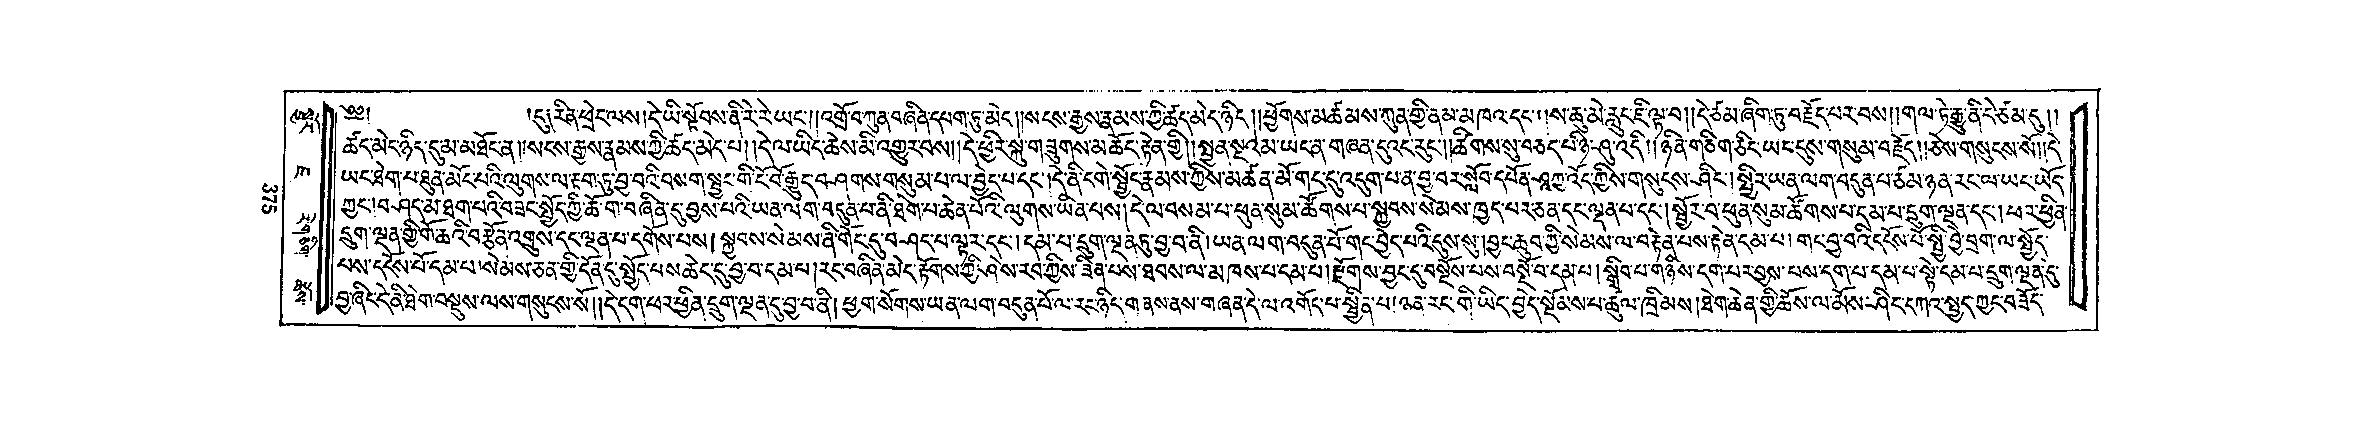༄༅། །དུ། རིན་ཕྲེང་ལས། དེ་ཡི་སྟོབས་ནི་རེ་རེ་ཡང་། །འགྲོ་བ་ཀུན་བཞིན་དཔག་ཏུ་མེད། །སངས་རྒྱས་རྣམས་ཀྱི་ཚད་མེད་ཉིད། །ཕྱོགས་མཚམས་ཀུན་གྱི་ནམ་མཁའ་དང་། །ས་ཆུ་མེ་རླུང་ཇི་ལྟ་བ། །དེ་ཙམ་ཞིག་ཏུ་བརྗོད་པར་བས། །གལ་ཏེ་རྒྱུ་ནི་དེ་ཙམ་དུ། །
ཚད་མེད་ཉིད་དུ་མ་མཐོང་ན། །སངས་རྒྱས་རྣམས་ཀྱི་ཚད་མེད་པ། །དེ་ལ་ཡིད་ཆེས་མི་འགྱུར་བས། །དེ་ཕྱིར་སྐུ་གཟུགས་མཆོད་རྟེན་གྱི། །སྤྱན་སྔའམ་ཡང་ན་གཞན་དུའང་རུང་། །ཚིགས་སུ་བཅད་པ་ཉི་ཤུ་འདི། །ཉིན་གཅིག་ཅིང་ཡང་དུས་གསུམ་བརྗོད། །ཅེས་གསུངས་སོ། །དེ་
ཡང་ཐེག་པ་ཐུན་མོང་པའི་ལུགས་ལ་རྟག་ཏུ་བྱ་བའི་བསག་སྦྱང་གི་ངོ་བོ་རྒྱུད་བཤགས་གསུམ་པ་ལ་བྱེད་པ་དང་། དེ་ནི་དགེ་སྦྱོང་རྣམས་ཀྱིས་མཚན་མོ་གང་དུ་འདུག་པ་ན་བྱ་བར་སློབ་དཔོན་ཤཱཀྱ་འོད་ཀྱིས་གསུངས་ཤིང་། སྤྱིར་ཡན་ལག་བདུན་པ་ཙམ་ཉན་རང་ལ་ཡང་ཡོད་
ཀྱང་། བཤད་མ་ཐག་པའི་བཟང་སྤྱོད་ཀྱི་ཆོ་ག་བཞིན་དུ་བྱས་པའི་ཡན་ལག་བདུན་པ་ནི་ཐེག་པ་ཆེན་པོའི་ལུགས་ཡིན་པས། དེ་ལ་བསམ་པ་ཕུན་སུམ་ཚོགས་པ་སྐྱབས་སེམས་ཁྱད་པར་ཅན་དང་ལྡན་པ་དང་། སྦྱོར་བ་ཕུན་སུམ་ཚོགས་པ་དམ་པ་དྲུག་ལྡན་དང་། ཕར་ཕྱིན་
དྲུག་ལྡན་གྱི་གོ་ཆའི་བརྩོན་འགྲུས་དང་ལྡན་པ་དགོས་པས། སྐྱབས་སེམས་ནི་གོང་དུ་བཤད་པ་ལྟར་དང་། དམ་པ་དྲུག་ལྡན་ཏུ་བྱ་བ་ནི། ཡན་ལག་བདུན་པོ་གང་བྱེད་པའི་དུས་སུ། །བྱང་ཆུབ་ཀྱི་སེམས་ལ་བརྟེན་པས་རྟེན་དམ་པ། གང་བྱ་བའི་དངོས་པོ་སྤྱི་བྱེ་བྲག་ལ་སྤྱོད་
པས་དངོས་པོ་དམ་པ། སེམས་ཅན་གྱི་དོན་དུ་སྤྱོད་པས་ཆེད་དུ་བྱ་བ་དམ་པ། རང་བཞིན་མེད་རྟོགས་ཀྱི་ཤེས་རབ་ཀྱིས་ཟིན་པས་ཐབས་ལ་མཁས་པ་དམ་པ། རྫོགས་བྱང་དུ་བསྔོས་པས་བསྔོ་བ་དམ་པ། སྒྲིབ་པ་གཉིས་དག་པར་བྱས་པས་དག་པ་དམ་པ་སྟེ་དམ་པ་དྲུག་ལྡན་དུ་
བྱ་ཞིང་དེ་ནི་ཐེག་བསྡུས་ལས་གསུངས་སོ། །དེ་དག་ཕར་ཕྱིན་དྲུག་ལྡན་དུ་བྱ་བ་ནི། ཕྱག་སོགས་ཡན་ལག་བདུན་པོ་ལ་རང་ཉིད་གནས་ནས་གཞན་དེ་ལ་འགོད་པ་སྦྱིན་པ། ཉན་རང་གི་ཡིད་བྱེད་སྡོམས་པ་ཚུལ་ཁྲིམས། ཐེག་ཆེན་གྱི་ཆོས་ལ་མོས་ཤིང་དཀའ་སྤྱད་ཀྱང་བཟོད་